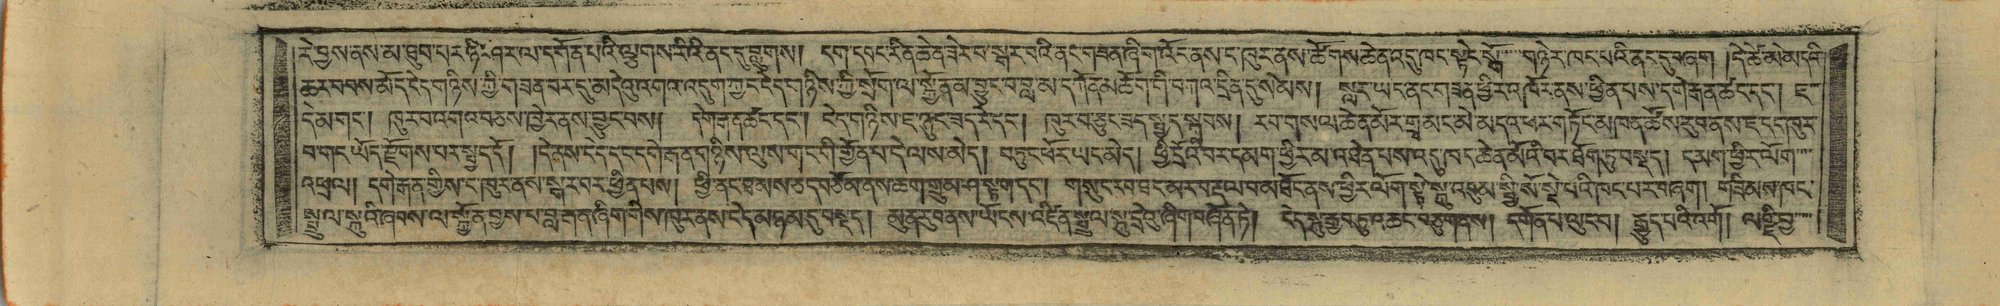རེ་བྱས་ནས་མ་ཐུབ་པར་ཉི་ཤར་ལ་དགོན་པའི་ལྕགས་རིའི་ནང་དུ་བླུགས། ངག་དབང་རིན་ཆེན་ཟེར་བ་སྒར་བའི་ནང་གཟན་ཞིག་འོང་ནས་ང་ཁུར་ནས་ཚོགས་ཆེན་འདུ་ཁང་སྟེང་སྒོ་གཉེར་ཁང་པའི་ནང་དུ་བཞག །དེ་ཚེ་མེ་མདའི་
ཆར་བབས་མོད་ངེད་གཉིས་ཀྱི་གཟན་བར་དུ་མདེའུ་འགའ་འདུག་ཀྱང་ངེད་གཉིས་ཀྱི་སྲོག་ལ་སྐྱོན་མ་བྱུང་བ་བླ་མ་དཀོན་མཆོག་གི་བཀའ་དྲིན་དུ་སེམས། སླར་ཡང་ནང་གཟན་ཕྱིར་འཁོར་ནས་ཕྱིན་པས་དགེ་རྒན་ཚང་དང་། ཇ་
དེམ་གང་། ཁུར་བ་འགའ་བཅས་ཁྱེར་ནས་བྱུང་བས། དགེ་རྒན་ཚང་དང་། ངེད་གཉིས་ཇ་ཉུང་ཟད་རེ་དང་། ཁུར་བ་ཅུང་ཟད་སྤྱད་སྐབས། རབ་གསལ་ཆེན་མོར་གྲྭ་མང་མེ་མདའ་ཕར་གཏོང་མཁན་ཚོས་རུབ་ནས་ཇ་དང་ཁུར་
བ་གང་ཡོད་རྫོགས་པར་སྤྱད་དོ། །དེ་ནས་ངེད་དང་དགེ་རྒན་གཉིས་ལུས་གང་གི་གྱོན་པ་དེ་ལས་མེད། བཏུང་ཕོར་ཡང་མེད། ཕྱི་དྲོའི་བར་དམག་ཕྱིར་མ་འཐེན་པས་འདུ་ཁང་ཆེན་མོའི་བར་ཐོག་ཏུ་བསྡད། དམག་ཕྱིར་ལོག་
འཕྲལ། དགེ་རྒན་གྱིས་ང་ཁུར་ནས་སྒར་བར་ཕྱིན་པས། ཕྱི་ནང་ཐམས་ཅད་བཅོམ་ནས་ཆག་གྲུམ་ཤ་སྟག་དང་། གསུང་རབ་ཐང་མར་བརྡལ་བ་མཐོང་ནས་ཕྱིར་ལོག་སྟེ་སྐུ་འབུམ་སྤྱི་སོ་སྡེ་པའི་ཁང་པར་བཞག །གཟིམས་ཁང་
སྤྲུལ་སྐུའི་ཞབས་ལ་སྐྱོན་བྱས་པ་བླ་རྒན་ཞིག་གིས་ཁུར་ནས་ངེད་མཉམ་དུ་བསྡད། མུན་རུབ་ནས་ཡོངས་འཛིན་སྤྲུལ་སྐུ་དྲེའུ་ཞིག་བཞོན་ཏེ། ངེད་སྐུ་རྒྱབ་ཏུ་འཆང་བཅུག་ནས། དགོན་པ་ལུང་བ། རྒྱུད་པའི་འགོ །ལབྫི་བྱ་